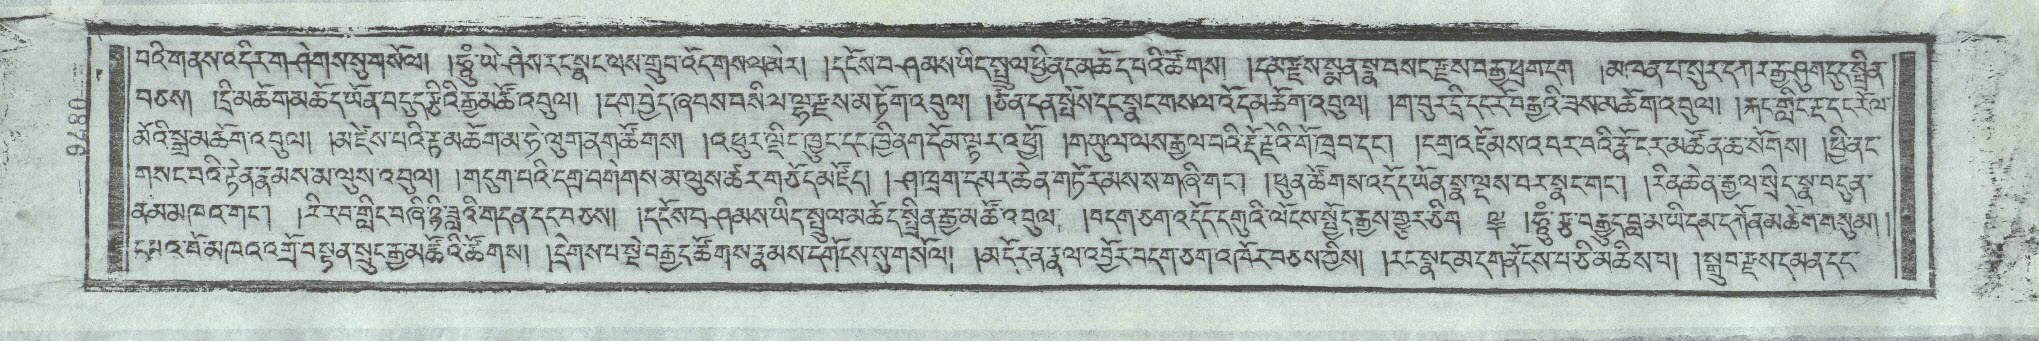པའི་གནས་འདིར་གཤེགས་སུ་གསོལ། །ཧཱུཾ་ཡེ་ཤེས་རང་སྣང་ལས་གྲུབ་འོད་གསལ་མེར། །དངོས་བཤམས་ཡིང་སྤྲུལ་ཕྱི་ནང་མཆོད་པའི་ཚོགས། །དམ་རྫས་སྨན་སྣ་བསང་རྫས་བརྒྱ་ཕྲག་དག །མཁན་པ་སུར་དཀར་རྒྱ་ཞུག་དུང་སྦྲིན་
བཅས། །དྲི་མཆོག་མཆོད་ཡོན་བདུད་རྩིའི་རྒྱ་མཚོ་འབུལ། །ངག་བྱེད་ཞབས་བསིལ་ལྷ་རྫས་མ་ཏོག་འབུལ། །ཙན་དན་སྤོས་དང་སྣང་གསལ་འོད་མཆོག་འབུལ། །ག་བུར་དྲི་དང་རོ་བརྒྱའི་ཟས་མཆོག་འབུལ། །རྐང་གླིང་རྔ་དང་རོལ་
མོའི་སྒྲ་མཆོག་འབུལ། །མཛེས་པའི་རྟ་མཆོག་མ་ཧེ་ལུག་ནག་ཚོགས། །འཕུར་ལྡིང་ཁྱུང་དང་ཁྱི་ནག་དོམ་ལྟར་འཕྱོ། །གཡུལ་ལས་རྒྱལ་པའི་རྡོ་རྗེའི་འོག་ཁྲབ་དང་། །དགྲ་འཇོམས་འབར་བའི་རྣོ་ངར་མཚོན་ཆ་སོགས། །ཕྱི་ནང་
གསང་བའི་རྟེན་རྣམས་མ་ལུས་འབུལ། །གདུག་པའི་དགྲ་བགེགས་མ་ལུས་ཚར་གཅོད་མཛོད། །ཤ་ཁྲག་དམར་ཆེན་གཏོར་མས་ས་གཞི་གང་། །ཕུན་ཚོགས་འདོད་ཡོན་སྣ་ལྔས་བར་སྣང་གང་། །རིན་ཆེན་རྒྱལ་སྲིད་སྣ་བདུན་
ནམ་མཁའ་གང་། །རི་རབ་གླིང་བཞི་ཉི་ཟླའི་གདན་དང་བཅས། །དངོས་བཤམས་ཡིད་སྤྲུལ་མཆོད་སྤྲིན་རྒྱ་མཚོ་འབུལ། །བདག་ཅག་འདོད་དགུའི་ལོངས་སྤྱོད་རྒྱས་གྱུར་ཅིག ༈ །ཧཱུཾ་རྩ་བརྒྱུད་བླ་མ་ཡིད་དམ་དཀོན་མཆོག་གསུམ།།
དཔའ་བོ་མཁའ་འགྲོ་བསྟན་སྲུང་རྒྱ་མཚོའི་ཚོགས། །དྲེགས་པ་སྡེ་བརྒྱད་ཚོགས་རྣམས་དགོངས་སུ་གསོལ། །མདོར་ན་རྣལ་འབྱོར་བདག་ཅག་འཁོར་བཅས་ཀྱིས། །རང་སྣང་མ་དག་ནོངས་པ་ཅི་མཆོས་པ། །སྒྲུ་རྫས་དམན་དང་